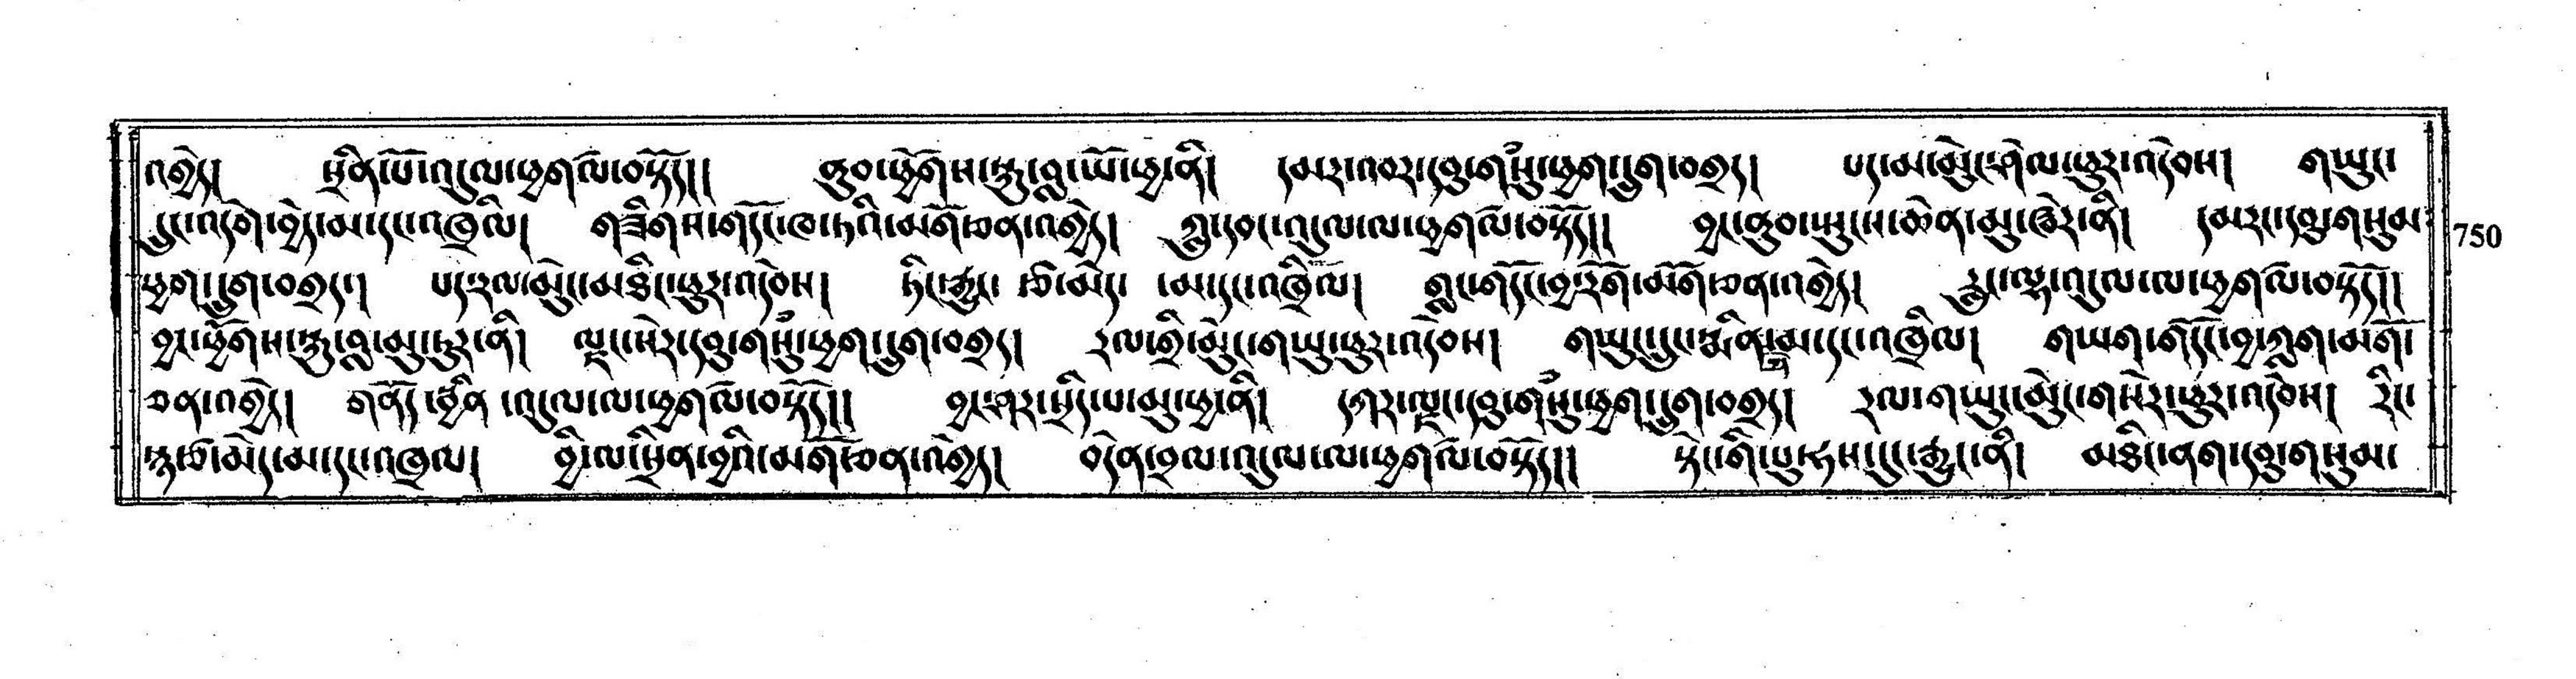འགྱེད། སྲིན་པོ་འདུལ་ལ་ཕྱག་འཚལ་བསྟོད།། ནུབ་ཕྱོགས་སྐུ་བླ་ཡོ་ཕྱ་ནི། དམར་འབར་དབུ་གསུམ་ཕྱག་དྲུག་བགྲད། པད་མ་མེ་དཔུང་ཤེལ་ཕུར་འདེབས། གཡུང་
དྲུང་འདེག་བྱེད་མ་དང་འཁྲིལ། གཟིགས་གདོང་ཁ་ཏའི་མགོ་ཅན་འགྱེད། ཀླུ་དབང་འདུལ་ལ་ཕྱག་འཚལ་བསྟོད།། བྱང་ནུབ་སྤུངས་ཆེན་མུ་ཝེར་ནི། དམར་ལྗང་དབུ་གསུམ་
ཕྱག་དྲུག་བགྲད། པད་རལ་མེ་དཔུང་མཐིང་ཕུར་འདེབས། ཏིང་རྒྱུང་ཙ་མེད་མ་དང་འཁྲིལ། གླང་གདོང་བྱ་རོག་མགོ་ཅན་འགྱེད། རླུང་ལྷ་འདུལ་ལ་ཕྱག་འཚལ་བསྟོད།། 
བྱང་ཕྱོགས་སྐུ་བླ་མུ་ཏུར་ནི། ལྗང་སེར་དབུ་གསུམ་ཕྱག་དྲུག་བགྲད། རལ་གྲི་མེ་དཔུང་གཡུ་ཕུར་འདེབས། གཡུང་དྲུང་སྨིན་བྱེད་མ་དང་འཁྲིལ། གཡག་གདོང་བྱ་ཀླག་མགོ་
ཅན་འགྱེད། གནོད་སྦྱིན་འདུལ་ལ་ཕྱག་འཚལ་བསྟོད།། བྱང་ཤར་སྲིད་པ་མུ་ཕྱ་ནི། དཀར་ལྗང་དབུ་གསུམ་ཕྱག་དྲུག་བགྲད། རལ་གཡུང་མེ་དཔུང་གསེར་ཕུར་འདེབས། རིང་
སྙ་ཙ་མེད་མ་དང་འཁྲིལ། བྱི་ལ་སྲིན་བྱའི་མགོ་ཅན་འགྱེད། བདེན་བྲལ་འདུལ་ལ་ཕྱག་འཚལ་བསྟོད།། སྟེང་གི་པུ་ཧས་དུང་རྒྱུང་ནི། མཐིང་ནག་དབུ་གསུམ་